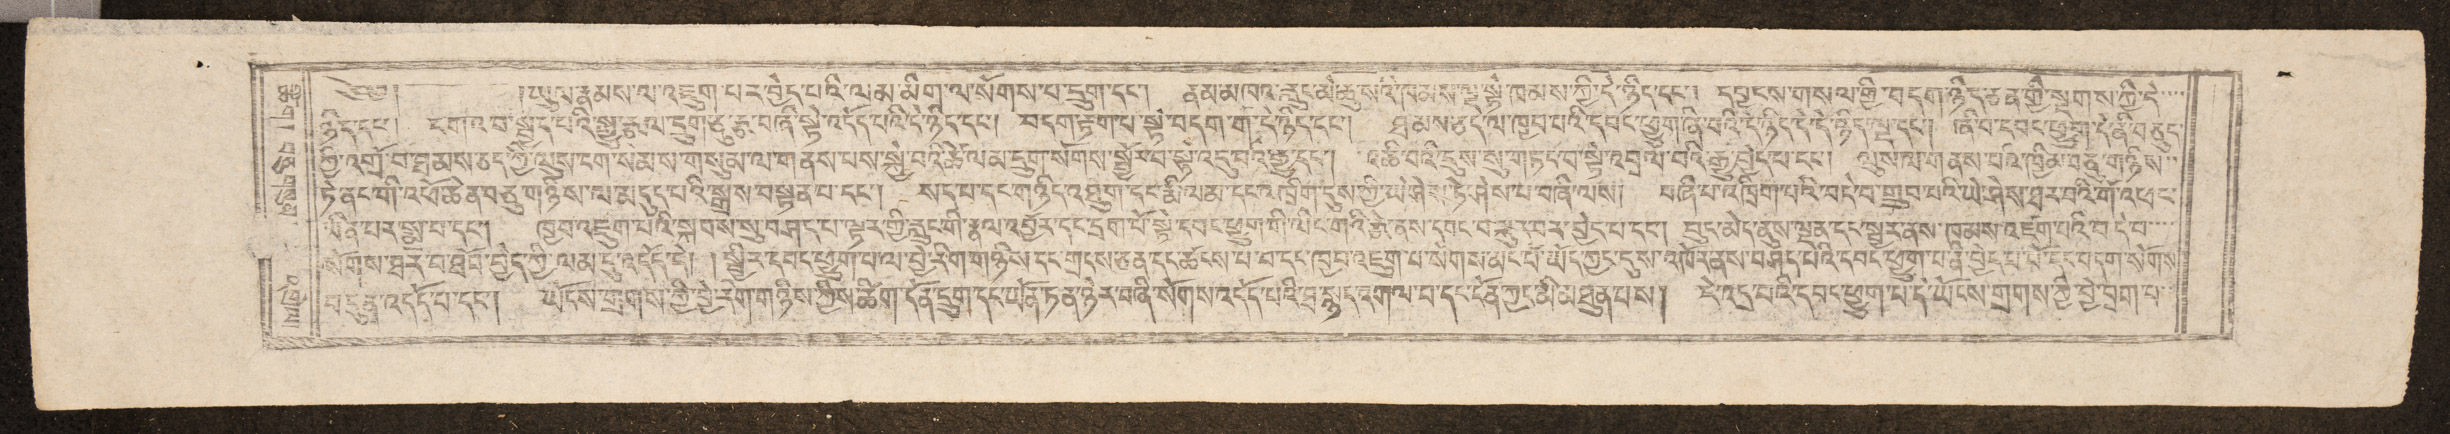༄༅། །ཡུལ་རྣམས་ལ་འཇུག་པར་བྱེད་པའི་ལམ་མིག་ལ་སོགས་པ་དྲུག་དང་། ནམ་མཁའ་རླུང་ཆེ་ཆུ་སའི་ཁམས་ལྔ་སྟེ་ཁམས་ཀྱི་དེ་ཉིད་དང་། དབྱངས་གསལ་གྱི་བདག་ཉིད་ཅན་གྱི་སྔགས་ཀྱི་དེ་
ཉིད་དང་། དགའ་བ་སྤྱད་པའི་སྒྱུ་རྩལ་དྲུག་ཅུ་རྩ་བཞི་སྟེ་འདོད་པའི་དེ་ཉིད་དང་། བདག་རྟག་པ་སྟེ་བདག་ག་དེ་ཉིད་དང་། ཐམས་ཅད་ལ་ཁྱབ་པའི་དབང་ཕྱུག་ཞི་བའི་དེ་ཉིད་དེ་དེ་ཉིད་ལྔ་དང་། ཞི་བ་དབང་ཕྱུག་དེ་ནི་བཅུད་
ཀྱི་འགྲོ་བ་ཐམས་ཅད་ཀྱི་ལུས་ངག་སེམས་གསུམ་ལ་གནས་པས་སྐྱེ་བའི་ཚེ་ལམ་དྲུག་སོགས་སྦྱོར་བ་སྟེ་འདུ་བའི་རྒྱུ་དང་། འཆི་བའི་དུས་སུ་གཏང་བ་སྟེ་འབྲལ་བའི་རྒྱུ་བྱེད་པ་དང་། ལུས་ལ་གནས་པའི་ཁྱིམ་བཅུ་གཉིས་
ཏེ་ནང་གི་འཕོ་ཆེན་བཅུ་གཉིས་ལ་མདུད་པའི་སྒྲས་བསྟན་པ་དང་། སད་པ་དང་གཉིད་འཐུག་དང་རྨི་ལམ་དང་འཁྲིག་དུས་ཀྱི་ཡེ་ཤེས་ཏེ་ཤེས་པ་བཞི་ལས། བཞི་པ་འཁྲིག་པའི་བདེ་བ་གྲུབ་པའི་ཡེ་ཤེས་ཐར་བའི་གོ་འཕང་
ཡིན་པར་སྨྲ་བ་དང་། ཁྱབ་འཇུག་པའི་སྐབས་སུ་བཤད་པ་ལྟར་གྱི་རླུང་གི་རྣལ་འབྱོར་དང་དྲག་པོ་སྟེ་དབང་ཕྱུག་གི་ལིང་གའི་རྩེ་ནས་དབང་བསྐུར་བར་བྱེད་པ་དང་། བུད་མེད་ནུས་ལྡན་དང་སྦྱར་ནས་ཁམས་འཛག་པའི་བདེ་པ་
སོགས་ཐར་བ་ཐོབ་བྱེད་ཀྱི་ལམ་དུ་འདོད་དེ། །སྤྱིར་དབང་ཕྱུག་པ་ལ་བྱེ་རིག་གཉིས་དང་གྲངས་ཅན་དང་ཚངས་པ་བ་དང་ཁྱབ་འཇུག་པ་སོགས་མང་པོ་ཡོད་ཀྱང་དུས་འཁོར་ནས་བཤད་པའི་དབང་ཕྱུག་པ་ནི་བྱེད་པ་པོ་དང་བདག་སོགས་
བདུན་འདོད་པ་དང་། ཡོངས་གྲགས་ཀྱི་བྱེ་རིག་གཉིས་ཀྱིས་ཚིག་དོན་དྲུག་དང་ཡོན་ཏན་ཉེར་བཞི་སོགས་འདོད་པའི་ཐ་སྙད་འགལ་བ་དང་དོན་ཀྱང་མི་མཐུན་པས། དེ་འདྲ་བའི་དབང་ཕྱུག་པ་དེ་ཡོངས་གྲགས་ཀྱི་བྱེ་བྲག་པ་